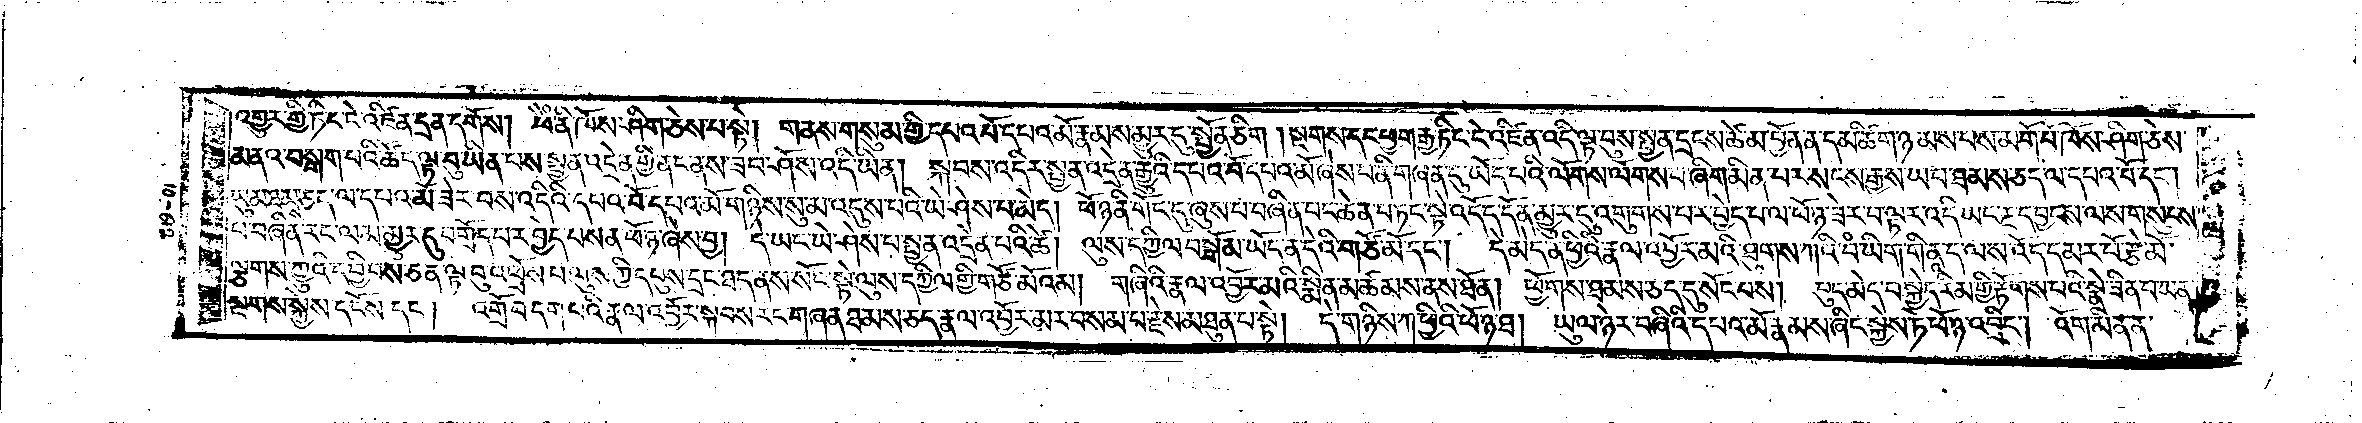འགྱུར་གྱི་ཏིང་ངེ་འཛིན་དྲན་དགོས། ཕེཾ་ནི་ཁོས་ཤིག་ཅེས་པ་སྟེ། གནས་གསུམ་གྱི་དཔའ་བོ་དཔའ་མོ་རྣམས་མྱུར་དུ་སྤྱོད་ཅིག །སྔགས་དང་ཕྱག་རྒྱ་ཏིང་ངེ་འཛིན་འདི་ལྟ་བུས་སྤྱན་དྲངས་ཚེ་མ་བྱོན་ན་དམ་ཚིག་ཉམས་པས་མགོ་བོ་ཁོས་ཤིག་ཅེས་
མནའ་བསྒག་པའི་ཚོད་ལྟ་བུ་ཡིན་པས་སྤྱན་འདྲེན་གྱི་ནང་ནས་ཟབ་ཤོས་འདི་ཡིན། སྐབས་འདིར་སྤྱན་འདྲེན་རྒྱུའི་དཔའ་བོ་དཔའ་མོ་ཞེས་པ་ནི་གཞན་དུ་ཡོད་པའི་ལོགས་ལོགས་པ་ཞིག་མིན་པར་སངས་རྒྱས་ཡབ་ཐམས་ཅད་ལ་དཔའ་བོ་དང་།
ཡུམ་ཐམས་ཅད་ལ་དཔའ་མོ་ཟེར་བས་འདིའི་དཔའ་བོ་དཔའ་མོ་གཉིས་སུ་མ་འདུས་པའི་ཡེ་ཤེས་པ་མེད། ཕོ་ཉ་ནི་གོང་དུ་ཞུས་པ་བཞིན་བང་ཆེན་བཏང་སྟེ་འདོད་དོན་མྱུར་དུ་འགུགས་པར་བྱེད་པ་ལ་ཕོ་ཉ་ཟེར་བ་ལྟར་འདི་ཡང་རྔ་དབྱངས་ལས་གསུངས་
པ་བཞིན་རང་ལམ་མྱུར་དུ་བགྲོད་པར་བྱེད་པས་ན་ཕོ་ཉ་ཞེས་བྱ། དེ་ཡང་ཡེ་ཤེས་པ་སྤྱན་འདྲེན་པའི་ཚེ། ལུས་དཀྱིལ་བསྒོམ་ཡོད་ན་དེའི་གཙོ་མོ་དང་། དེ་མེད་ན་ཕྱིའི་རྣལ་འབྱོར་མའི་ཐུགས་ཀའི་བཾ་ཡིག་གི་ནཱ་ད་ལས་འོད་དམར་པོ་རྩེ་མོ་
ལྕགས་ཀྱུའི་དབྱིབས་ཅན་ལྟ་བུ་འཕྲོས་པ་ལུས་ཀྱི་དབུས་དྲང་ཐད་ནས་སོང་སྟེ་ལུས་དཀྱིལ་གྱི་གཙོ་མོའམ། གཞིའི་རྣལ་འབྱོར་མའི་སྨིན་མཚམས་ནས་ཐོན། ཕྱོགས་ཐམས་ཅད་དུ་སོང་བས། བུད་མེད་བསྐྱེད་རིམ་གྱི་རྟོགས་པའི་སྣེ་ཟིན་པ་ཡན་
སྔགས་སྐྱེས་དངོས་དང་། འགྲོ་བ་དག་པའི་རྣལ་འབྱོར་སྐབས་རང་གཞན་ཐམས་ཅད་རྣལ་འབྱོར་མར་བསམ་པ་རྗེས་མཐུན་པ་སྟེ། དེ་གཉིས་ཀ་ཕྱིའི་ཕོ་ཉ་ཐ། ཡུལ་ཉེར་བཞིའི་དཔའ་མོ་རྣམས་ཞིང་སྐྱེས་ཏེ་ཕོ་ཉ་འབྲིང་། འོག་མིན་ན་